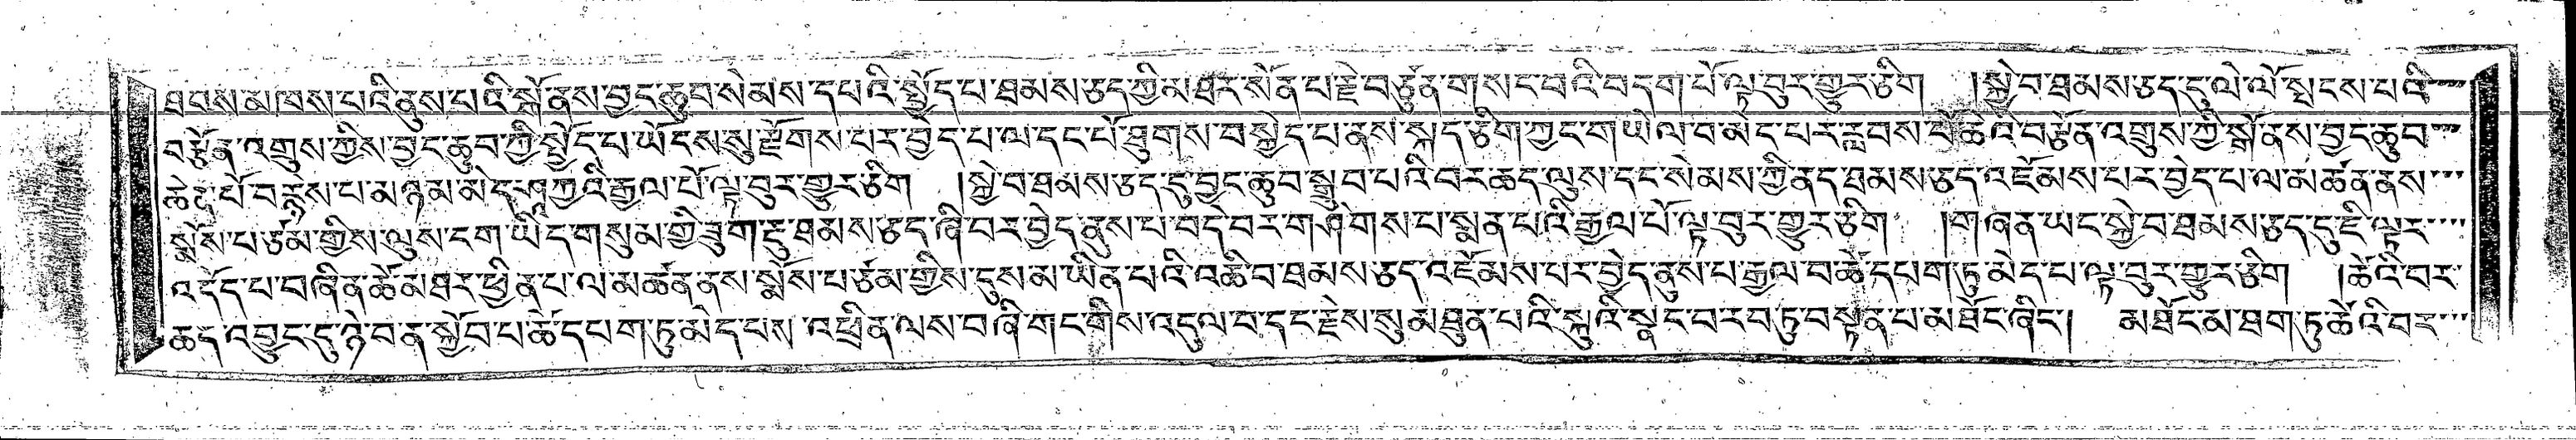ཐབས་མཁས་པའི་ནུས་པའི་སྒོ་ནས་བྱང་ཆུབ་སེམས་དཔའི་སྤྱོད་པ་ཐམས་ཅད་ཀྱི་མཐར་སོན་པ་རྗེ་བཙུན་གསང་བའི་བདག་པོ་ལྟ་བུར་གྱུར་ཅིག །སྐྱེ་བ་ཐམས་ཅད་དུ་ལེ་ལོ་སྤངས་པའི་
བརྩོན་འགྲུས་ཀྱིས་བྱང་ཆུབ་ཀྱི་སྤྱོད་པ་ཡོངས་སུ་རྫོགས་པར་བྱེད་པ་ལ་དང་པོ་ཐུགས་བསྐྱེད་པ་ནས་སྐད་ཅིག་ཀྱང་གཡེལ་བ་མེད་པར་རླབས་པོ་ཆེའི་བརྩོན་འགྲུས་ཀྱི་སྒོ་ནས་བྱང་ཆུབ་
ཆེན་པོ་བརྙེས་པ་མཉམ་མེད་ཤཱཀྱའི་རྒྱལ་པོ་ལྟ་བུར་གྱུར་ཅིག །སྐྱེ་བ་ཐམས་ཅད་དུ་བྱང་ཆུབ་སྒྲུབ་པའི་བར་ཆད་ལུས་དང་སེམས་ཀྱི་ནད་ཐམས་ཅད་འཇོམས་པར་བྱེད་པ་ལ་མཚན་ནས་
སྨོས་པ་ཙམ་གྱིས་ལུས་ངག་ཡིད་གསུམ་གྱི་ཟུག་རྔུ་ཐམས་ཅད་ཞི་བར་བྱེད་ནུས་པ་བདེ་བར་གཤེགས་པ་སྨན་པའི་རྒྱལ་པོ་ལྟ་བུར་གྱུར་ཅིག །གཞན་ཡང་སྐྱེ་བ་ཐམས་ཅད་དུ་ཇི་ལྟར་
འདོད་པ་བཞིན་ཚེ་མཐར་ཕྱིན་པ་ལ་མཚན་ནས་སྨོས་པ་ཙམ་གྱིས་དུས་མ་ཡིན་པའི་འཆི་བ་ཐམས་ཅད་འཇོམས་པར་བྱེད་ནུས་པ་རྒྱལ་བ་ཚེ་དཔག་ཏུ་མེད་པ་ལྟ་བུར་གྱུར་ཅིག །ཚེའི་བར་
ཆད་འབྱུང་དུ་ཉེ་བ་ན་སྐྱོབ་པ་ཚེ་དཔག་ཏུ་མེད་པས་འཕྲིན་ལས་བཞི་གང་གིས་འདུལ་བ་དང་རྗེས་སུ་མཐུན་པའི་སྐུའི་སྣང་བ་རབ་ཏུ་བསྟན་པ་མཐོང་ཞིང་། མཐོང་མ་ཐག་ཏུ་ཚེའི་བར་